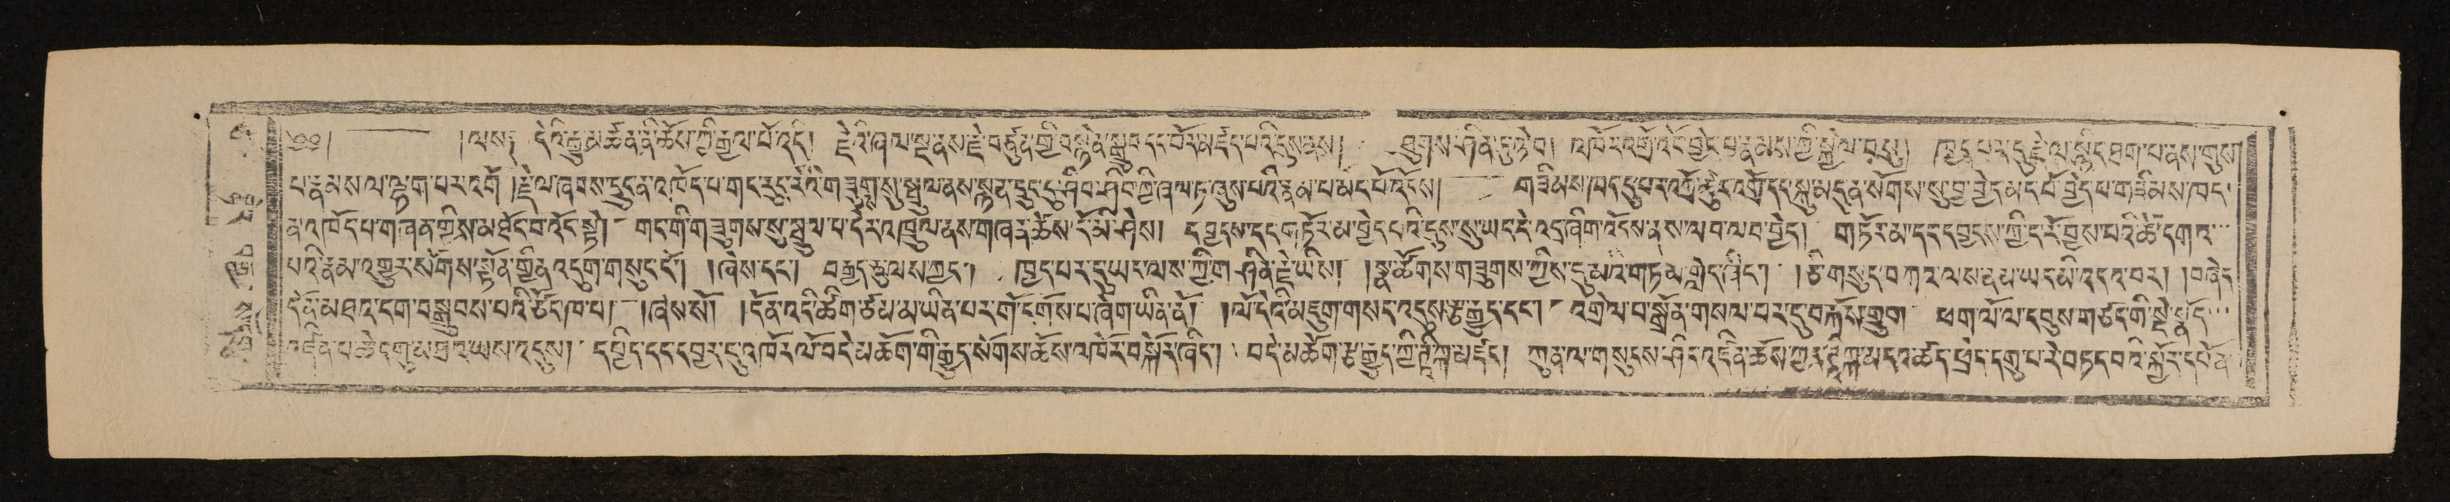༄༅། །ལས༑ དེའི་རྒྱུ་མཚན་ནི་ཆོས་ཀྱི་རྒྱལ་པོ་འདི། རྗེའི་ཞལ་སྔ་ནས་རྗེ་བཙུན་གྱི་བསྙེན་སྒྲུབ་དང་པོར་མཛད་པའི་དུས་ནས། ཐུགས་ཤིན་ཏུ་ཉེ་བ། འཁོར་འགྲོ་འོང་བྱེད་པ་རྣམས་ཀྱི་སྐྱེལ་བསུ། ཁྱད་པར་དུ་རྗེ་ལ་སྙིང་ཐག་པ་ནས་གུས་
པ་རྣམས་ལ་ལྷག་པར་འགོ །རྗེ་ལ་ཞབས་དྲུང་ན་འཁོད་པ་གང་རུང་རེའི་གཟུགས་སུ་སྤྲུལ་ནས་སྙན་དྲུང་དུ་ཤིབ་ཤིབ་ཀྱི་ཞལ་ཏ་ཞུས་པའི་རྣམ་པ་མང་པོ་འོངས། གཟིམས་ཁང་དུ་ཕར་འགྲོ་ཚུར་འགྲོ་དང་སྐུ་མདུན་སོགས་སུ་བྱ་བྱེད་མང་པོ་བྱེད་པ་གཟིམས་ཁང་
ན་འཁོད་པ་གཞན་གྱིས་མཐོང་བ་འོང་སྟེ། གང་གི་གཟུགས་སུ་སྤྲུལ་པ་དེར་འཁྲུལ་ནས་གཞན་ཚོས་ངོ་མི་ཤེས། དབྱངས་དང་གཏོར་མ་བྱེད་པའི་དུས་སུ་ཡང་དེ་འདྲ་ཞིག་འོངས་ནས་ལབ་ལབ་བྱེད། གཏོར་མ་དང་དབྱངས་ཀྱི་ང་རོ་བྱས་པའི་ཚེ་དགའ་
བའི་རྣམ་འགྱུར་སོགས་སྟོན་གྱིན་འདུག་གསུང་ངོ། །ཞེས་དང་། བརྒྱད་ཅུ་ལས་ཀྱང་། ཁྱད་པར་དུ་ཡང་ལས་ཀྱི་གཤིན་རྗེ་ཡིས། །སྣ་ཚོགས་གཟུགས་ཀྱིས་དུ་མའི་གཏམ་གླེང་ཞིང་། །ཅི་གསུང་བཀའ་ལས་ནམ་ཡང་མི་འདའ་བར། །བཞེད་
དོན་མཐའ་དག་བསྒྲུབས་པའི་ཙོང་ཁ་པ། །ཞེས་སོ། །དོན་འདི་ཚིག་ཙམ་མ་ཡིན་པར་གོ་དགོས་པ་ཞེས་ཡིན་ནོ། །ལོ་དེའི་མཇུག་གསང་འདུས་རྩ་རྒྱུད་དང་། འགྲེལ་པ་སྒྲོན་གསལ་པར་དུ་བརྐོས་གྲུབ། ཕག་ལོ་ལ་དབུས་གཙང་གི་སྡེ་སྣོད་
འཛིན་པ་ཆེ་དགུ་མཐའ་ཡས་འདུས། དཔྱིད་དང་དབྱར་དུ་འཁོར་ལོ་བདེ་མཆོག་གི་རྒྱུད་སོགས་ཆོས་འཁོར་བསྐོར་ཞིང་། བདེ་མཆོག་རྩ་རྒྱུད་ཀྱི་ཊཱིཀྐ་མཛད། ཀུན་ལ་གསུངས་ཤིང་འཛིན་ཆོས་ཀྱང་ཊཱིཀྐ་མདའ་ཚད་ཕྲེང་དགུ་པ་རེ་བཏང་བའི་སྐྱོར་དཔོན་